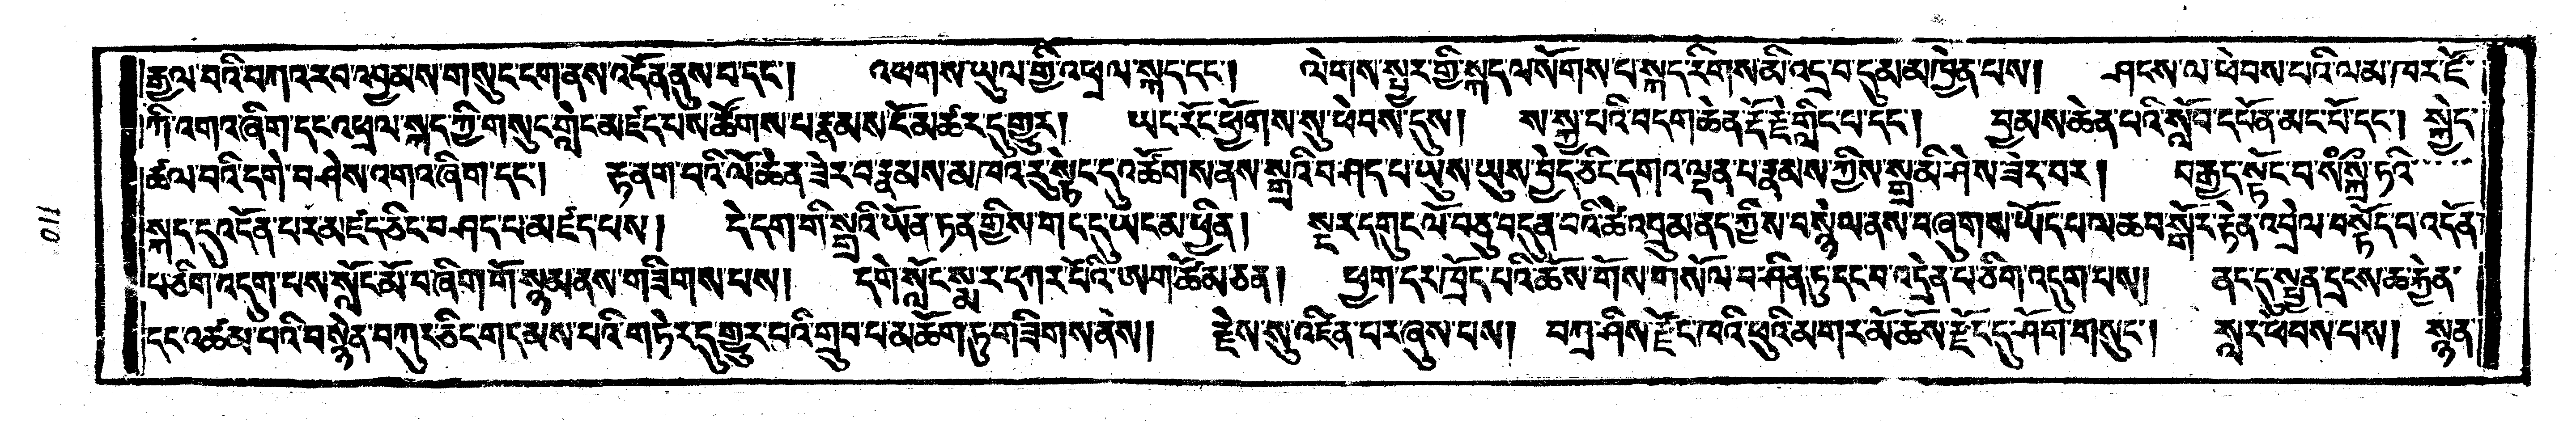རྒྱལ་བའི་བཀའ་རབ་འབྱམས་གསུང་ངག་ནས་འདོན་ནུས་བ་དང་། འཕགས་ཡུལ་གྱི་འཕྲལ་སྐད་དང་། ལེགས་སྦྱར་གྱི་སྐད་ལ་སོགས་པ་སྐད་རིགས་མི་འདྲ་བ་དུ་མ་མཁྱེན་པས། ཤངས་ལ་ཕེབས་པའི་ལམ་ཁར་ཛོ་
ཀི་འགའ་ཞིག་དང་འཕྲལ་སྐད་ཀྱི་གསུང་གླེང་མཛད་པས་ཚོགས་པ་རྣམས་ངོ་མཚར་དུ་གྱུར། ཡང་རོང་ཕྱོགས་སུ་ཕེབས་དུས། ས་སྐྱ་པའི་བདག་ཆེན་རྡོ་རྗེ་གླིང་པ་དང་། བྱམས་ཆེན་པའི་སློབ་དཔོན་མང་པོ་དང་། སྐྱེད་
ཚལ་བའི་དགེ་བཤེས་འགའ་ཞིག་དང་། རྟ་ནག་པའི་ལོ་ཆེན་ཟེར་བ་རྣམས་མཁའ་རུ་སྟེང་དུ་འཚོགས་ནས་སྒྲའི་བཤད་པ་ཡུས་ཡུས་བྱེད་ཅིང་དགའ་ལྡན་པ་རྣམས་ཀྱིས་སྒྲ་མི་ཤེས་ཟེར་བར། བརྒྱད་སྟོང་པ་སཾ་སྐྲྀ་ཏའི་
སྐད་དུ་འདོན་པར་མཛད་ཅིང་བཤད་པ་མཛད་པས། དེ་དག་གི་སྒྲའི་ཡོན་ཏན་གྱིས་གང་དུ་ཡང་མ་ཕྱིན། སྔར་དགུང་ལོ་བཅུ་བདུན་པའི་ཚེ་འབྲུམ་ནད་ཀྱིས་བསྙེལ་ནས་བཞུགས་ཡོད་པ་ལ་ཆབ་སྒོར་རྟེན་འབྲེལ་བསྟོད་པ་འདོན་
པ་ཅིག་འདུག་པས་སློང་མོ་བ་ཞིག་གོ་སྙམ་ནས་གཟིགས་པས། དགེ་སློང་སྨ་ར་དཀར་པོའི་ཨག་ཚོམ་ཅན། ཕྱག་དར་ཁྲོད་པའི་ཆོས་གོས་གསོལ་བ་ཤིན་ཏུ་དང་བ་འདྲེན་པ་ཅིག་འདུག་པས། ནང་དུ་སྤྱན་དྲངས་ཆ་རྐྱེན་
དང་འཚམ་པའི་བསྙེན་བཀུར་ཅིང་གདམས་པའི་གཏེར་དུ་གྱུར་པའི་གྲུབ་པ་མཆོག་ཏུ་གཟིགས་ནས། རྗེས་སུ་འཛིན་པར་ཞུས་པས། བཀྲ་ཤིས་རྫོང་ཁའི་ཕུའི་མགར་མོ་ཆོས་རྫོང་དུ་ཤོག་གསུང་། སླར་ཕེབས་པས། སྙན་